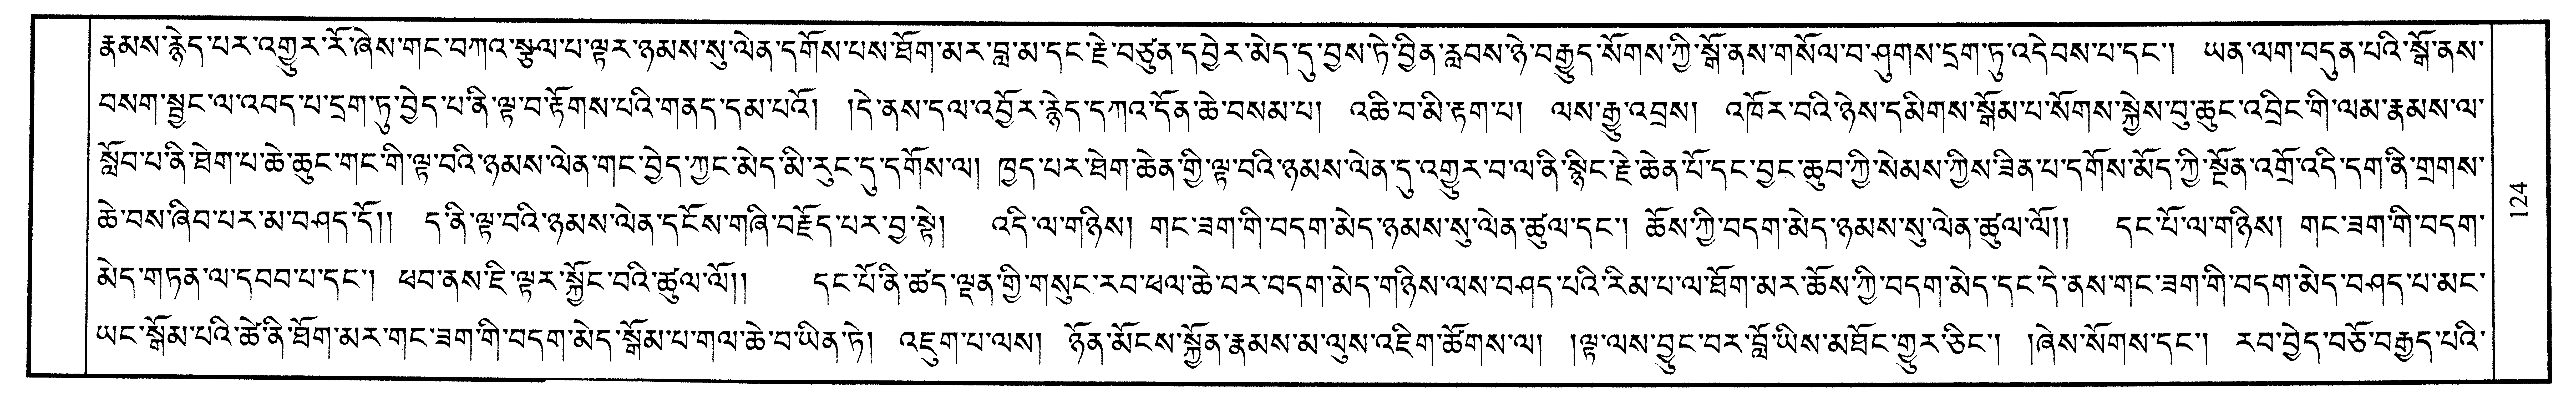རྣམས་རྙེད་པར་འགྱུར་རོ་ཞེས་གང་བཀའ་སྩལ་པ་ལྟར་ཉམས་སུ་ལེན་དགོས་པས་ཐོག་མར་བླ་མ་དང་རྗེ་བཙུན་དབྱེར་མེད་དུ་བྱས་ཏེ་བྱིན་རླབས་ཉེ་བརྒྱུད་སོགས་ཀྱི་སྒོ་ནས་གསོལ་བ་ཤུགས་དྲག་ཏུ་འདེབས་པ་དང་། ཡན་ལག་བདུན་པའི་སྒོ་ནས་
བསག་སྦྱང་ལ་འབད་པ་དྲག་ཏུ་བྱེད་པ་ནི་ལྟ་བ་རྟོགས་པའི་གནད་དམ་པའོ། །དེ་ནས་དལ་འབྱོར་རྙེད་དཀའ་དོན་ཆེ་བསམ་པ། འཆི་བ་མི་རྟག་པ། ལས་རྒྱུ་འབྲས། །འཁོར་བའི་ཉེས་དམིགས་སྒོམ་པ་སོགས་སྐྱེས་བུ་ཆུང་འབྲིང་གི་ལམ་རྣམས་ལ་
སློབ་པ་ནི་ཐེག་པ་ཆེ་ཆུང་གང་གི་ལྟ་བའི་ཉམས་ལེན་གང་བྱེད་ཀྱང་མེད་མི་རུང་དུ་དགོས་ལ། ཁྱད་པར་ཐེག་ཆེན་གྱི་ལྟ་བའི་ཉམས་ལེན་དུ་འགྱུར་བ་ལ་ནི་སྙིང་རྗེ་ཆེན་པོ་དང་བྱང་ཆུབ་ཀྱི་སེམས་ཀྱིས་ཟིན་པ་དགོས་མོད་ཀྱི་སྔོན་འགྲོ་འདི་དག་ནི་གྲགས་
ཆེ་བས་ཞིབ་པར་མ་བཤད་དོ།། ད་ནི་ལྟ་བའི་ཉམས་ལེན་དངོས་གཞི་བརྗོད་པར་བྱ་སྟེ། འདི་ལ་གཉིས། གང་ཟག་གི་བདག་མེད་ཉམས་སུ་ལེན་ཚུལ་དང་། ཆོས་ཀྱི་བདག་མེད་ཉམས་སུ་ལེན་ཚུལ་ལོ།། དང་པོ་ལ་གཉིས། གང་ཟག་གི་བདག་
མེད་གཏན་ལ་དབབ་པ་དང་། ཕབ་ནས་ཇི་ལྟར་སྐྱོང་བའི་ཚུལ་ལོ།། དང་པོ་ནི་ཚད་ལྡན་གྱི་གསུང་རབ་ཕལ་ཆེ་བར་བདག་མེད་གཉིས་ལས་བཤད་པའི་རིམ་པ་ལ་ཐོག་མར་ཆོས་ཀྱི་བདག་མེད་དང་དེ་ནས་གང་ཟག་གི་བདག་མེད་བཤད་པ་མང་
ཡང་སྒོམ་པའི་ཚེ་ནི་ཐོག་མར་གང་ཟག་གི་བདག་མེད་སྒོམ་པ་གལ་ཆེ་བ་ཡིན་ཏེ། འཇུག་པ་ལས། ཉོན་མོངས་སྐྱོན་རྣམས་མ་ལུས་འཇིག་ཚོགས་ལ། །ལྟ་ལས་བྱུང་བར་བློ་ཡིས་མཐོང་གྱུར་ཅིང་། །ཞེས་སོགས་དང་། རབ་བྱེད་བཅོ་བརྒྱད་པའི་